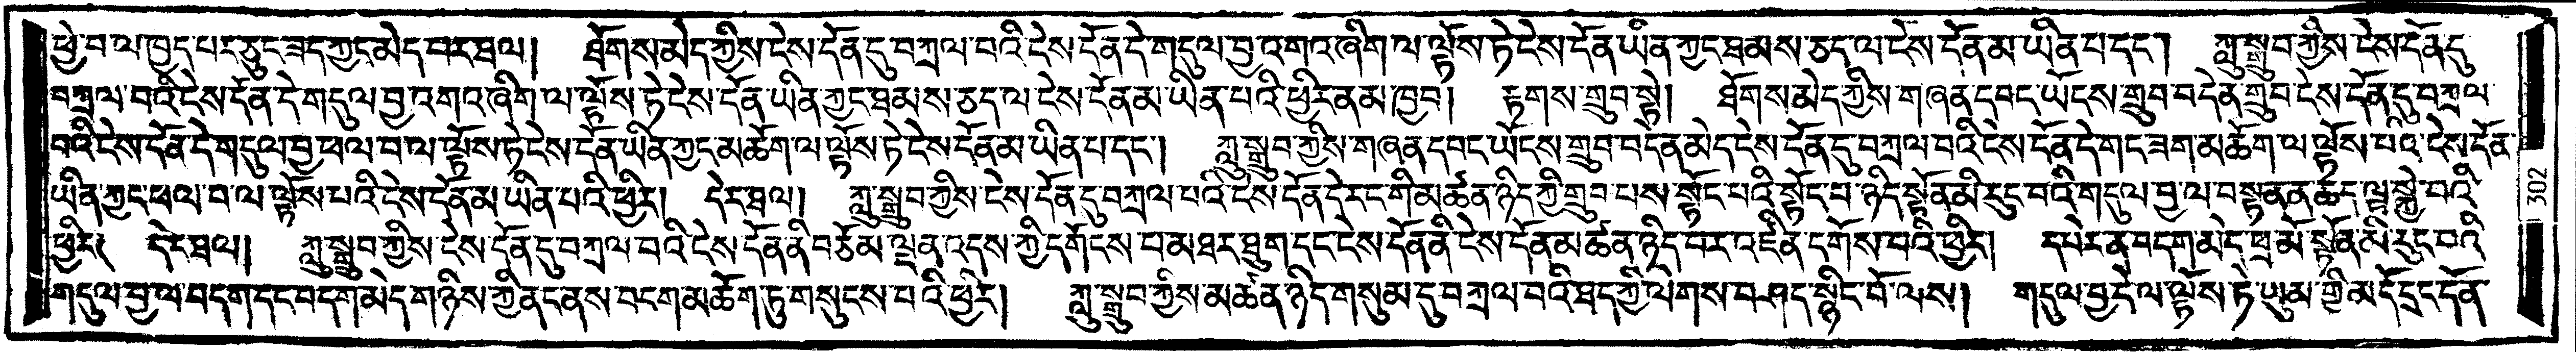ཕྱེ་བ་ལ་ཁྱད་པར་ཅུང་ཟད་ཀྱང་མེད་པར་ཐལ། ཐོགས་མེད་ཀྱིས་ངེས་དོན་དུ་བཀྲལ་བའི་ངེས་དོན་དེ་གདུལ་བྱ་འགའ་ཞིག་ལ་ལྟོས་ཏེ་ངེས་དོན་ཡིན་ཀྱང་ཐམས་ཅད་ལ་ངེས་དོན་མ་ཡིན་པ་དང་། ཀླུ་སྒྲུབ་ཀྱིས་ངེས་དོན་དུ་
བཀྲལ་བའི་ངེས་དོན་དེ་གདུལ་བྱ་འགའ་ཞིག་ལ་ལྟོས་ཏེ་ངེས་དོན་ཡིན་ཀྱང་ཐམས་ཅད་ལ་ངེས་དོན་མ་ཡིན་པའི་ཕྱིར་ན་མ་ཁྱབ། རྟགས་གྲུབ་སྟེ། ཐོགས་མེད་ཀྱིས་གཞན་དབང་ཡོངས་གྲུབ་བདེན་གྲུབ་ངེས་དོན་དུ་བཀྲལ་
བའི་ངེས་དོན་དེ་གདུལ་བྱ་ཕལ་བ་ལ་ལྟོས་ཏེ་ངེས་དོན་ཡིན་ཀྱང་མཆོག་ལ་ལྟོས་ཏེ་ངེས་དོན་མ་ཡིན་པ་དང་། ཀླུ་སྒྲུབ་ཀྱིས་གཞན་དབང་ཡོངས་གྲུབ་བདེན་མེད་ངེས་དོན་དུ་བཀྲལ་བའི་ངེས་དོན་དེ་གང་ཟག་མཆོག་ལ་ལྟོས་པའི་ངེས་དོན་
ཡིན་ཀྱང་ཕལ་བ་ལ་ལྟོས་པའི་ངེས་དོན་མ་ཡིན་པའི་ཕྱིར། དེར་ཐལ། ཀླུ་སྒྲུབ་ཀྱིས་ངེས་དོན་དུ་བཀྲལ་པའི་ངེས་དོན་དེ་རང་གི་མཚན་ཉིད་ཀྱི་གྲུབ་པས་སྟོང་པའི་སྟོང་པ་ཉིད་སྟོན་མི་རུང་བའི་གདུལ་བྱ་ལ་བསྟན་ན་ཆད་ལྟ་སྐྱེ་བའི་
ཕྱིར༑ དེར་ཐལ། ཀླུ་སྒྲུབ་ཀྱིས་ངེས་དོན་དུ་བཀྲལ་བའི་ངེས་དོན་ནི་བཅོམ་ལྡན་འདས་ཀྱི་དགོངས་པ་མཐར་ཐུག་དང་ངེས་དོན་ནི་ངེས་དོན་མཚན་ཉིད་པར་འཛིན་དགོས་པའི་ཕྱིར། དཔེར་ན་བདག་མེད་ཕྲ་མོ་སྟོན་མི་རུང་བའི་
གདུལ་བྱ་ལ་བདག་དང་བདག་མེད་གཉིས་ཀྱི་ནང་ནས་བདག་མཆོག་ཏུ་གསུངས་པའི་ཕྱིར། ཀླུ་སྒྲུབ་ཀྱིས་མཚན་ཉིད་གསུམ་དུ་བཀྲལ་བའི་ཐད་ཀྱི་ལེགས་བཤད་སྙིང་པོ་ལས། གདུལ་བྱ་དེ་ལ་ལྟོས་ཏེ་ཡུམ་གྱི་མདོ་དྲང་དོན་